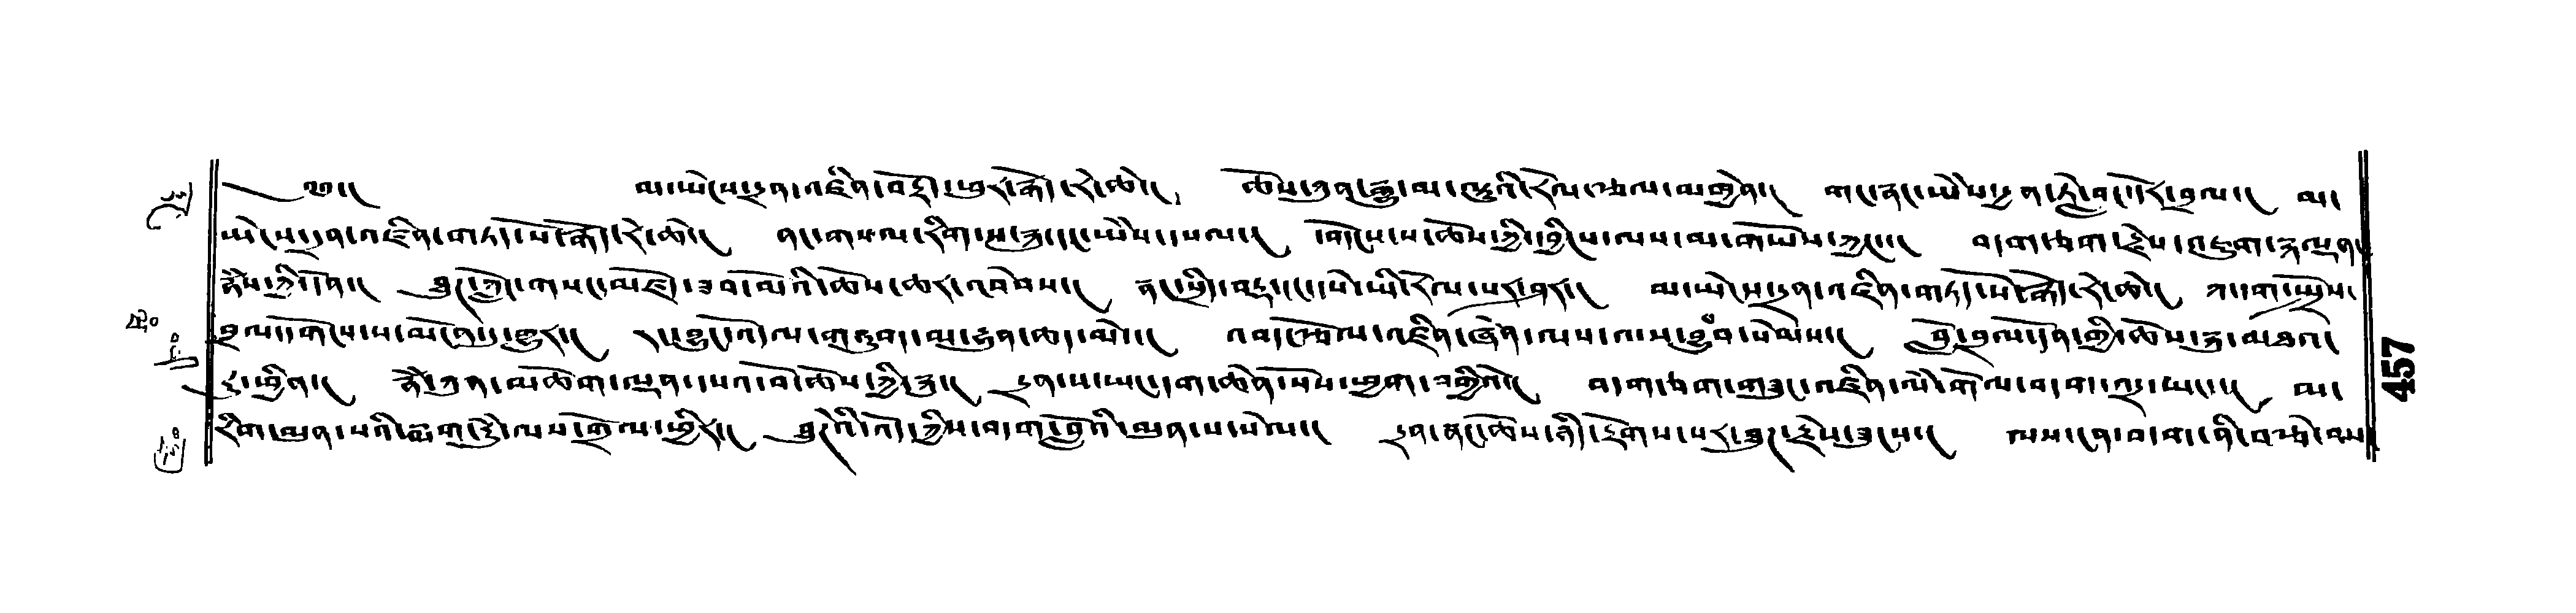།མ་ཡེངས་དྲན་འཛིན་རྟོད་ཕུར་རྒོད་རེ་ཆེ། །ཆོས་ཀུན་སྒྱུ་མ་ལྟ་བུའི་རོལ་རྩལ་མཁྱེན། །གང་སྣང་ཡེ་ཤེས་རྒྱན་ཏེ་བླང་དོར་བྲལ། །མ་
ཡེངས་དྲན་འཛིན་གཏད་སོ་རྒོད་རེ་ཆེ། །ནང་གསལ་རིག་པ་སྐུ་དང་ཡེ་ཤེས་དཔལ། །དགོངས་པ་ཆོས་ཀྱི་དབྱིངས་ལས་མ་གཡོས་ཀྱང་། །བདག་ཅག་རྗེས་འཇུག་སྐལ་ལྡན་
རྣམས་ཀྱི་དོན། །ཐུགས་ཀློང་གསང་མཛོད་ཟབ་མོའི་ཆོས་ཆར་འབེབས། །སྣང་སྲིད་བརྡ་དང་དཔེ་ཡི་རོལ་པར་ཤར། །མ་ཡེངས་དྲན་འཛིན་གཏད་སོ་རྒོད་རེ་ཆེ། །ཀ་དག་སྤྲོས་
བྲལ་དགོངས་པ་མངོན་དུ་གྱུར། །རང་བྱུང་འོད་གསལ་གཉུག་མ་རྒྱུན་ཆད་མེད། །འབད་རྩོལ་འཛིན་ཞེན་ལས་འདས་བྱང་ཆུབ་སེམས། །བློ་བྲལ་དོན་གྱི་ཆོས་སྐུ་མཐའ་
རུ་ཕྱིན། །རྣམ་ཀུན་མཆོག་ལྡན་དཔའ་བོ་ཆོས་ཀྱི་སྐུ། །དྲན་པ་ཡང་དག་ཆེན་པོས་ཕྱག་བགྱིའོ། །བདག་ཅག་གཟུང་འཛིན་ལམ་གོལ་བདག་འདྲ་ཡང་། །མ་
རིག་མུན་པའི་སྨག་རུམ་ལས་གྲོལ་ཕྱིར། །ཐུགས་རྗེའི་འོད་ཀྱིས་བདག་བློའི་མུན་པ་སེལ། །དྲན་སྣང་ཆོས་ཉིད་རྟོགས་པར་ཐུགས་རྗེས་ཟུངས། །ལས་ངན་བདག་ནི་བརྩེ་བས་